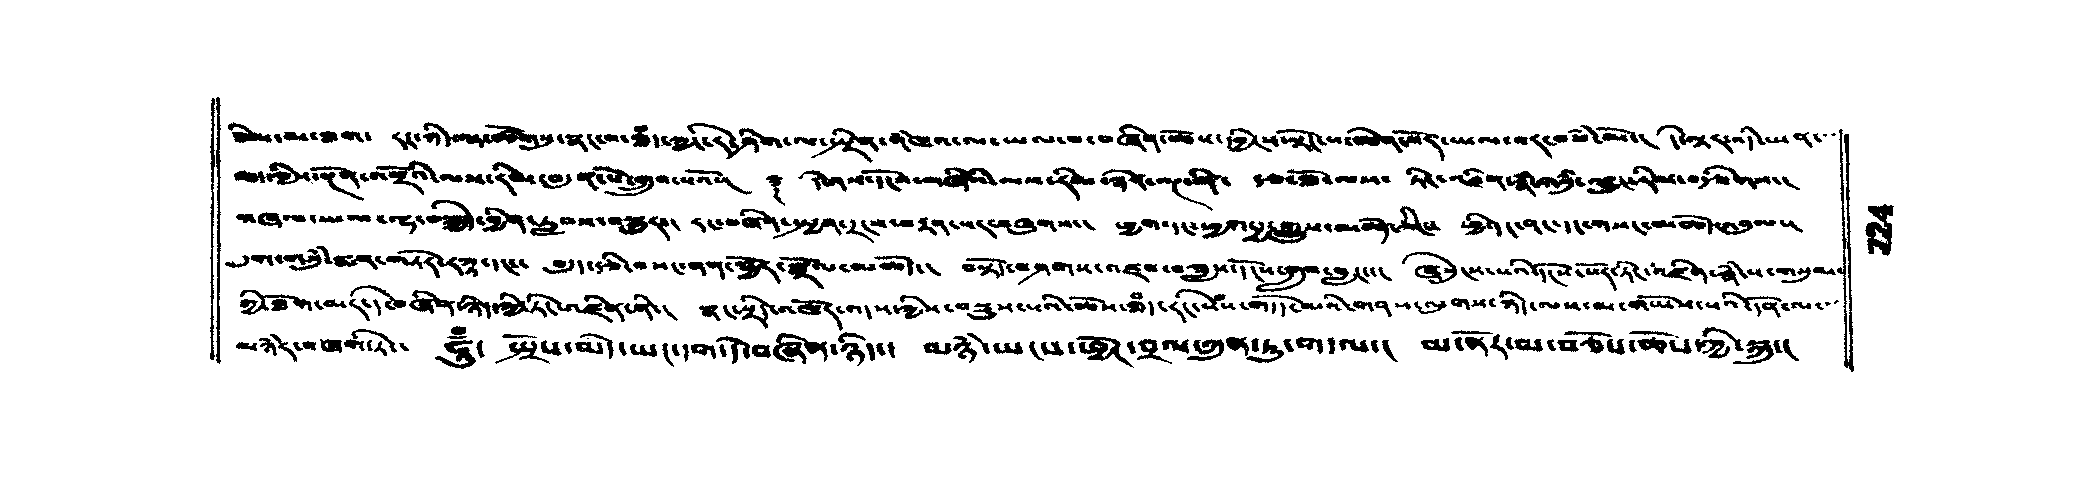ཐིམ་མ་ཐག་རང་ཉིད་ལྷ་ཚོགས་སུ་སྣང་བ་ཐམས་ཅད་ཀྱང་རེ་ཤིག་ལ་སྤྲིན་ནམ་མཁའ་ལ་ཡལ་བ་བཞིན་ཆོས་དབྱིངས་སྟོང་པ་ཆེན་པོར་ཡལ་བར་བསམ་མོ། དེ་ལྟར་འདི་ཡན་
ཆད་ཀྱིས་སྔོན་འགྲོའི་ལས་རིམ་བདུན་པོ་གྲུབ་པའོ། ༈ དེ་ནས་དངོས་གཞིའི་ལས་རིམ་སྐོར་ལྔ་ནི། ཏིང་འཛིན་རྣམ་གསུམ་འབྱུང་རིམ་བརྩེགས་པ། །
གཞལ་ཡས་ལྷ་བསྐྱེད་བྱིན་རླབས་བསྐུར། །རང་བཞིན་སྤྱན་དྲངས་བརྟན་པར་བཞུགས། །ཕྱག་དང་ཕྱག་རྒྱ་གླུས་མཆོད་ཅིང་། །ཕྱི་དང་ནང་དང་གསང་མཆོད་འབུལ། །
དུག་གསུམ་སྨན་གཏོར་རཀྟ་དང་། །བདུད་རྩི་བསང་ནན་སྦྱོར་སྒྲོལ་མཆོད། །བསྟོད་བཤགས་འཛབ་བཟླས་དངོས་གྲུབ་བླང་། །ཞེས་གསུངས་པའི་དངོས་པོར་ཏིང་འཛིན་རྣམ་པ་གསུམ་
གྱི་ཐོག་མར་དེ་བཞིན་ཉིད་ཀྱི་ཏིང་ངེ་འཛིན་ནི། སྣང་སྲིད་འཁོར་འདས་ཀྱི་བསྡུས་པའི་ཆོས་ཐམས་ཅད་རང་སེམས་གདོད་མའི་གནས་ལུགས་ཉིད་ལས་མ་གཡོས་པའི་དོན་ལ་
མཉམ་པར་གཞག་སྟེ། ཧཱུྃ། སྤྲོས་མེད་ཡང་དག་དེ་བཞིན་ཉིད། །མཉམ་ཡངས་ཕྱོགས་བྲལ་ཀུན་ཏུ་གདལ། །མ་ནོར་མ་བཅོས་ཆོས་ཀྱི་སྐུ། །